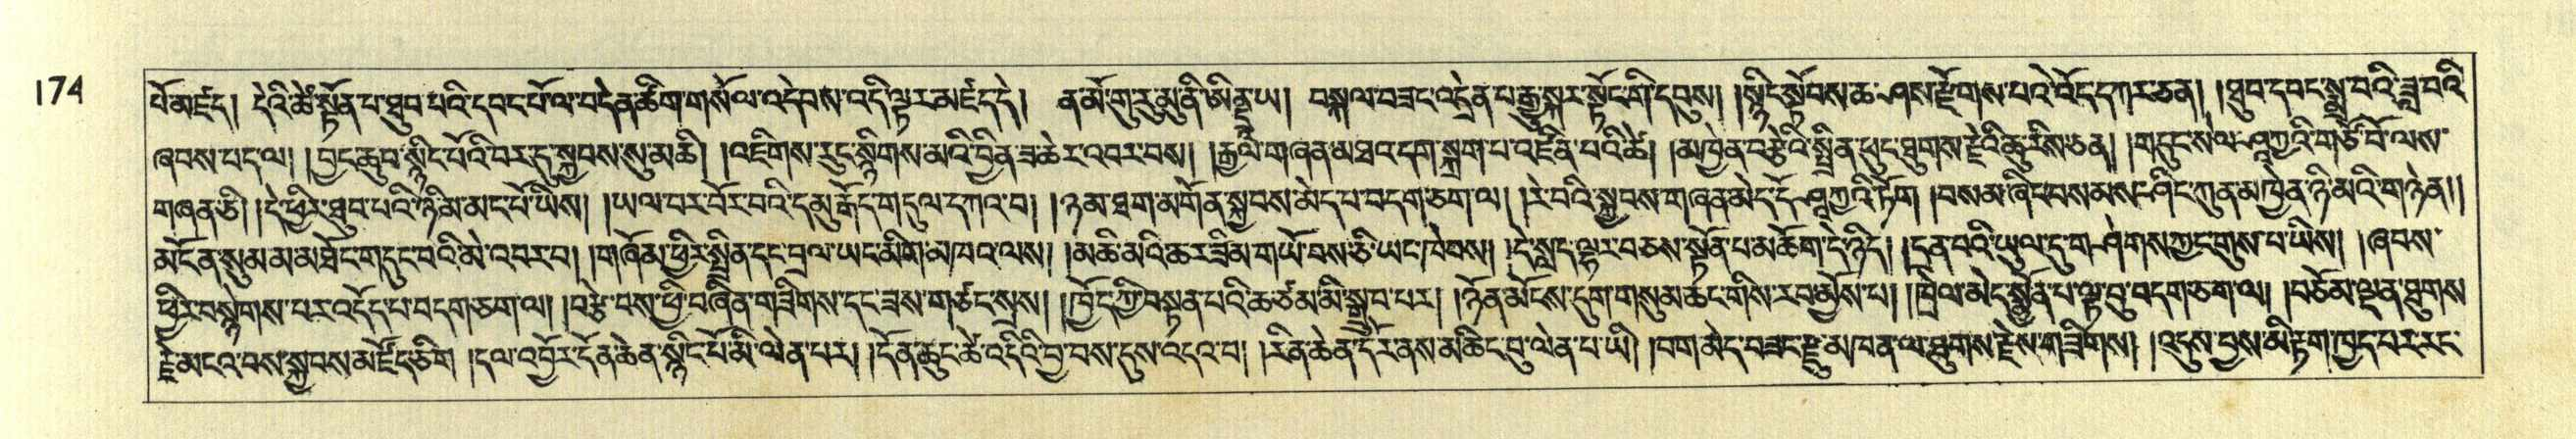པོ་མཛད། དེའི་ཚེ་སྟོན་པ་ཐུབ་པའི་དབང་པོ་ལ་བདེན་ཚིག་གསོལ་འདེབས་འདི་ལྟར་མཛད་དེ། ན་མོ་གུ་རུ་མུ་ནི་ཨིནྡྲཱ་ཡ། བསྐལ་བཟང་འདྲེན་པ་རྒྱུ་སྐར་སྟོང་གི་དབུས། །སྙིང་སྟོབས་ཆ་ཤས་རྫོགས་པའི་འོད་དཀར་ཅན། །ཐུབ་དབང་སྨྲ་བའི་ཟླ་བའི་
ཞབས་པད་ལ། །བྱང་ཆུབ་སྙིང་པོའི་བར་དུ་སྐྱབས་སུ་མཆི། །འཇིགས་རུང་སྙིགས་མའི་བྱིན་ཟ་ཆེར་འབར་བས། །རྒྱལ་གཞན་མཐའ་དག་སྒྲག་པ་འཛིན་པའི་ཚེ། །མཁྱེན་བརྩེའི་སྤྲིན་ཕུང་ཐུགས་རྗེའི་ཆུ་རིས་ཅན། །གདུགས་སེལ་ཤཱཀྱའི་གཙོ་བོ་ལས་
གཞན་ཅི། །དེ་ཕྱིར་ཐུབ་པའི་ཉི་མ་མང་པོ་ཡིས། །ཡལ་བར་བོར་བའི་དམུ་རྒོད་གདུལ་དཀའ་བ། །ཉམ་ཐག་མགོན་སྐྱབས་མེད་པ་བདག་ཅག་ལ། །རེ་བའི་སྐྱབས་གཞན་མེད་དོ་ཤཱཀྱའི་ཏོག །བསམ་ཞིང་བསམས་ཤིང་ཀུན་མཁྱེན་ཉི་མའི་གཉེན།།
མངོན་སུམ་མ་མཐོང་གདུང་བའི་མེ་འབར་བ། །གཞོམ་ཕྱིར་སྤྲིན་དང་བྲལ་ཡང་མིག་མཁའ་ལས། །མཆི་མའི་ཆར་ཟིམ་གཡོ་བས་ཅི་ཡང་ཁེབས། །དེ་སླད་ལྷར་བཅས་སྟོན་པ་མཆོག་དེ་ཉིད། །དྲན་བའི་ཡུལ་དུ་གཤེགས་ཀྱང་གུས་པ་ཡིས། །ཞབས་
ཕྱིར་བསྙེགས་པར་འདོད་པ་བདག་ཅག་ལ། །བརྩེ་བས་ཕྱི་བཞིན་གཟིགས་དང་ཟས་གཙང་སྲས། །ཁྱོད་ཀྱི་བསྟན་པའི་ཆ་ཙམ་མི་སྒྲུབ་པར། །ཉོན་མོངས་དུག་གསུམ་ཆང་གིས་རབ་མྱོས་པ། །ཁྲེལ་མེད་སྨྱོན་པ་ལྟ་བུ་བདག་ཅག་ལ། །བཅོམ་ལྡན་ཐུགས་
རྗེ་མངའ་བས་སྐྱབས་མཛོད་ཅིག །དལ་འབྱོར་དོན་ཆེན་སྙིང་པོ་མི་ལེན་པར། །དོན་ཆུང་ཚེ་འདིའི་བྱ་བས་དུས་འདའ་བ། །རིན་ཆེན་དོར་ནས་མཆིང་བུ་ལེན་པ་ཡི། །བག་མེད་བཟང་རྫུ་མཁན་ལ་ཐུགས་རྗེས་གཟིགས། །འདུས་བྱས་མི་རྟག་ཁྱད་པར་རང་